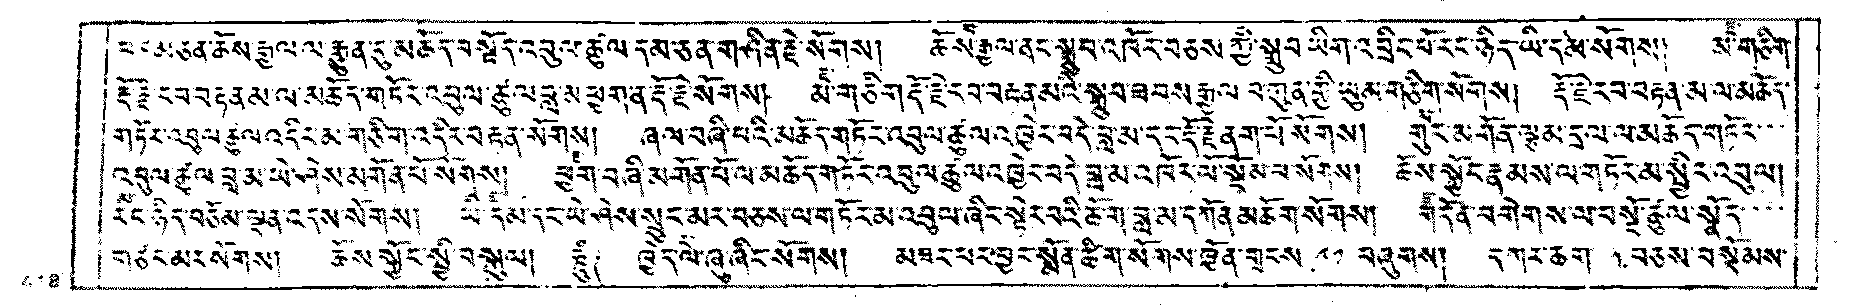པ་དམ་ཅན་ཆོས་རྒྱལ་ལ་རྒྱུན་དུ་མཆོད་བསྟོད་འབུལ་ཚུལ་དམ་ཅན་གཤིན་རྗེ་སོགས། ཆོས་རྒྱལ་ནང་སྒྲུབ་འཁོར་བཅས་ཀྱི་སྒྲུབ་ཡིག་འབྲིང་པོ་རག་ཉིད་ཡི་དམ་སོགས། མ་ཇ་གཅིག་
རྡོ་རྗེ་རབ་བརྟན་མ་ལ་མཆོད་གཏོར་འབུལ་ཚུལ་བླ་མ་ཕྱག་ན་རྡོ་རྗེ་སོགས། མ་ཇ་གཅིག་རྡོ་རྗེ་རབ་བརྟན་མའི་སྒྲུབ་ཐབས་རྒྱལ་བ་ཀུན་གྱི་ཡུམ་གཅིག་སོགས། རྡོར་ཇེ་རབ་བརྟན་མ་ལ་མཆོད་
གཏོར་འབུལ་ཚུལ་འདིར་མ་གཅིག་འདིར་བརྟན་སོགས། ཞལ་བཞི་པའི་མཆོད་གཏོར་འབུལ་ཚུལ་འཁྱེར་བདེ་བླ་མ་དང་རྡོ་རྗེ་ནག་པོ་སོགས། གུར་མགོན་ལྕམ་དྲལ་ལ་མཆོད་གཏོར་
འབུལ་ཚུལ་བླ་མ་ཡེ་ཤེས་མགོན་པོ་སོགས། ཕྱག་གཞི་མགོན་པོ་ལ་མཆོད་གཏོར་འབུལ་ཚུལ་འཁྱེར་བདེ་བླ་མ་འཁོར་ལོ་སྡོམ་པ་སོགས། ཆོས་སྐྱོང་རྣམས་ལ་གཏོར་མ་སྤྱིར་འབུལ།
རང་ཉིད་བཅོམ་ལྡན་འདས་སོགས། ཡི་དམ་དང་ཡེ་ཤེས་སྲུང་མར་བཅས་ལ་གཏོར་མ་འབུལ་ཞིན་སྟེར་བའི་ཆོ་ག་བླ་མ་དཀོན་མཆོག་སོགས། ག་དོན་བགེགས་ལ་བསྔོ་ཚུལ་སྣོད་
གཙང་མར་སོགས། ཆོས་སྐྱོང་སྤྱི་བསྐུལ། ཧཱུཾ༑ ཁྱེད་ལ་ཞུ་ཞིང་སོགས། མཐར་པར་བྱང་སྨོན་ཚིག་སོགས་ཁྱོན་གྲངས ༩༡་བཞུགས། དཀར་ཆག ༢་བཅས་བསྡོམས་